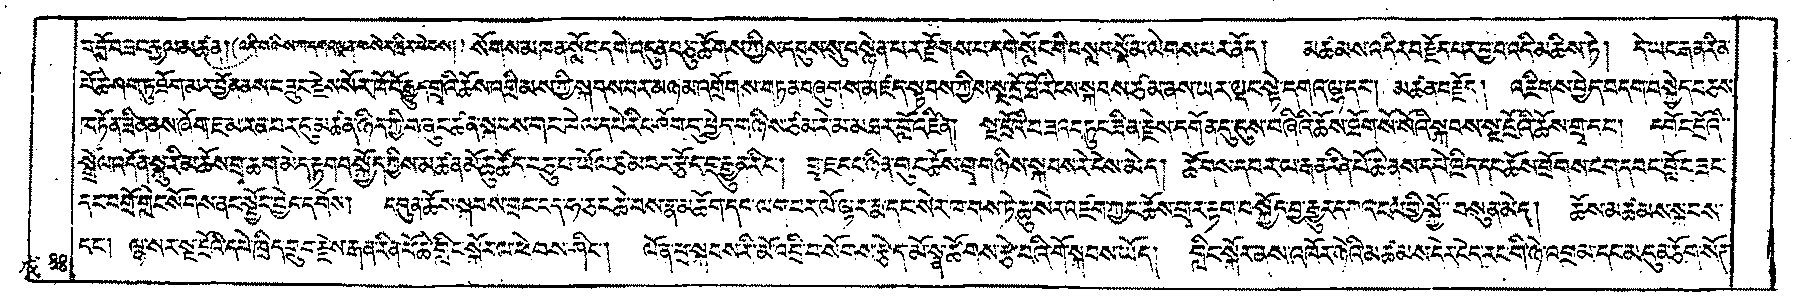བ་བློ་བཟང་རྒྱལ་མཚན། འདི་གཉིས་ཀ་དགའ་ལྡན་གསེར་ཁྲིར་ཕེབས།  སོགས་མཁན་སློབ་དགེ་འདུན་བཅུ་ཚོགས་ཀྱིས་དབུས་སུ་བསྙེན་པར་རྫོགས་པ་དགེ་སློང་གི་བསླབ་སྡོམ་ལེགས་པར་ནོད། མཚམས་འདིར་བརྗོད་པར་བྱ་བ་འདི་མཆིས་ཏེ། དེ་ཡང་རྒན་རིན་
པོ་ཆེ་ཤག་ཏུ་ཐོག་མར་བྱོན་ནས་བཟུང་རྗེས་སོར་ཁོ་བོ་རྒྱུད་གྲྭའི་ཆོས་འགྲིམས་ཀྱི་སྐབས་བར་མཉམ་འགྲོགས་གཏན་བཞུགས་མཛད་སྟབས་ཀྱིས་སྔ་དྲོ་ཐོ་རེངས་སྐབས་ཙམ་ནས་ཡར་ལྡང་སྟེ་དགའ་ལྷ་དང་། མཚན་བརྗོད། འཇིགས་བྱེད་བདག་བསྐྱེད་བཅས་
ཁ་ཏོན་ཟིན་ནས་ཞོག་ཇ་མ་རན་པར་དུ་མཚན་ཉིད་ཀྱི་གཞུང་ཚན་སྐབས་གང་ཁེལ་དཔེ་རིང་ཤོག་བུ་ཕྱེད་གཉིས་ཙམ་རེ་མ་མཐར་བློ་འཛིན། སྔ་དྲོའི་བཟའ་བཏུང་ཟིན་རྗེས་དགོན་དུ་དུས་བཞིའི་ཆོས་ཐོག་སོ་སོའི་སྐབས་སྔ་དྲོའི་ཆོས་གྲྭ་དང་། དགོང་དྲོའི་
སྒྲེལ་འདོན་སྐུ་རིམ་ཆོས་གྲྭ་ཆག་མེད་རྟག་བསྐྱོད་ཀྱིས་མཚན་མོ་ཆུ་ཚོད་བཅུ་པ་ཡོལ་ཙམ་བར་རྩོད་གྲ་རྒྱུན་རིང་། གྲྭ་ཇ་དང་ཉིན་གུང་ཆོས་གྲྭ་གཉིས་སྐབས་རེ་ངེས་མེད། ཚོགས་དབར་ལ་རྒན་རིན་པོ་ཆེ་ནས་དཔེ་ཁྲིད་དང་ཆོས་གྲོགས་ངག་དབང་བློ་བཟང་
དང་བགྲོ་གླེང་སོགས་ནང་སྦྱོང་བྱེད་དགོས། དགུན་ཆོས་སྐབས་གྲང་ངད་ཧ་ཅང་ཆེ་བས་རྣ་མཆོག་དང་ལག་པར་ལོ་ལྟར་རྨ་དང་སེར་ཁ་གས་ཏེ་ཆུ་སེར་འཛག་ཀྱང་ཆོས་གྲྭར་རྟག་བསྐྱོད་བྱ་རྒྱུར་དཀའ་ངལ་གྱི་སྐྱོ་བསུན་མེད། ཆོས་མཚམས་སྐབས་
དང་། ལྷ་སར་སྔ་དྲོའི་དཔེ་ཁྲིད་གྲུབ་རྗེས་རྒན་རིན་པོ་ཆེ་གླིང་སྐོར་ལ་ཕེབས་ཤིང་། ལོ་ན་ཕྲ་སྐབས་རི་མོ་འབྲི་བ་སོགས་རྩེད་མོ་སྣ་ཚོགས་རྩེ་བའི་གོ་སྐབས་ཡོད། གླིང་སྐོར་ནས་འཁོར་ཉེའི་མཚམས་དེར་ངེད་རང་གི་ཉེ་འགྲམ་དང་མདུན་ཅོག་སོགས་